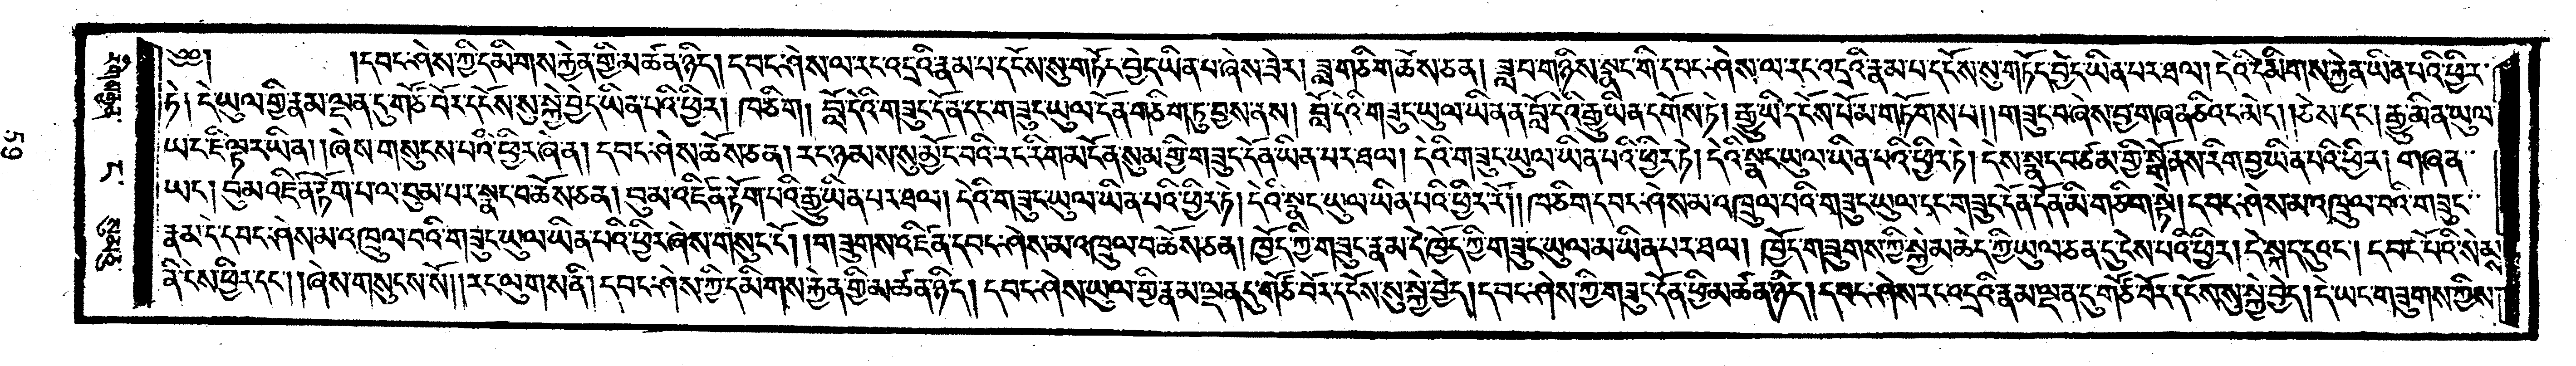༄༅། །དབང་ཤེས་ཀྱི་དམིགས་རྐྱེན་གྱི་མཚན་ཉིད། དབང་ཤེས་ལ་རང་འདྲའི་རྣམ་པ་དངོས་སུ་གཏོང་བྱེད་ཡིན་པ་ཞེས་ཟེར། ཟླ་གཅིག་ཆོས་ཅན། ཟླ་བ་གཉིས་སྣང་གི་དབང་ཤེས་ལ་རང་འདྲའི་རྣམ་པ་དངོས་སུ་གཏོང་བྱེད་ཡིན་པར་ཐལ། དེའི་དམིགས་རྐྱེན་ཡིན་པའི་ཕྱིར་
ཏེ༑ དེ་ཡུལ་གྱི་རྣམ་ལྡན་དུ་གཙོ་བོར་དངོས་སུ་སྐྱེ་བྱེད་ཡིན་པའི་ཕྱིར། ཁ་ཅིག །བློ་དེའི་གཟུང་དོན་དང་གཟུང་ཡུལ་དོན་གཅིག་ཏུ་བྱས་ནས། བློ་དེའི་གཟུང་ཡུལ་ཡིན་ན་བློ་དེའི་རྒྱུ་ཡིན་དགོས་ཏེ། རྒྱུ་ཡི་དངོས་པོ་མ་གཏོགས་པ། །གཟུང་བ་ཞེས་བྱ་གཞན་ཅིའང་མེད། །ཅེས་དང་། རྒྱུ་མིན་ཡུལ་
ཡང་ཇི་ལྟར་ཡིན། །ཞེས་གསུངས་པའི་ཕྱིར་ཞེ་ན། དབང་ཤེས་ཆོས་ཅན། རང་ཉམས་སུ་མྱོང་བའི་རང་རིག་མངོན་སུམ་གྱི་གཟུང་དོན་ཡིན་པར་ཐལ། དེའི་གཟུང་ཡུལ་ཡིན་པའི་ཕྱིར་ཏེ། དེའི་སྣང་ཡུལ་ཡིན་པའི་ཕྱིར་ཏེ། དེས་སྣང་བ་ཙམ་གྱི་སྒོ་ནས་རིག་བྱ་ཡིན་པའི་ཕྱིར། གཞན་
ཡང་། བུམ་འཛིན་རྟོག་པ་ལ་བུམ་པར་སྣང་བ་ཆོས་ཅན། བུམ་འཛིན་རྟོག་པའི་རྒྱུ་ཡིན་པར་ཐལ། དེའི་གཟུང་ཡུལ་ཡིན་པའི་ཕྱིར་ཏེ། དེའི་སྣང་ཡུལ་ཡིན་པའི་ཕྱིར་རོ། །ཁ་ཅིག་དབང་ཤེས་མ་འཁྲུལ་བའི་གཟུང་ཡུལ་དང་གཟུང་དོན་དོན་མི་གཅིག་སྟེ། དབང་ཤེས་མ་འཁྲུལ་བའི་གཟུང་
རྣམ་དེ་དབང་ཤེས་མ་འཁྲུལ་བའི་གཟུང་ཡུལ་ཡིན་པའི་ཕྱིར་ཞེས་གསུང་ངོ། །གཟུགས་འཛིན་དབང་ཤེས་མ་འཁྲུལ་བ་ཆོས་ཅན། ཁྱོད་ཀྱི་གཟུང་རྣམ་དེ་ཁྱོད་ཀྱི་གཟུང་ཡུལ་མ་ཡིན་པར་ཐལ། ཁྱོད་གཟུགས་ཀྱི་སྐྱེ་མཆེད་ཀྱི་ཡུལ་ཅན་དུ་ངེས་པའི་ཕྱིར། དེ་སྐད་དུའང་། དབང་པོའི་སེམས་
ནི་ངེས་ཕྱིར་དང་། །ཞེས་གསུངས་སོ། །རང་ལུགས་ནི། དབང་ཤེས་ཀྱི་དམིགས་རྐྱེན་གྱི་མཚན་ཉིད། དབང་ཤེས་ཡུལ་གྱི་རྣམ་ལྡན་དུ་གཙོ་བོར་དངོས་སུ་སྐྱེ་བྱེད། དབང་ཤེས་ཀྱི་གཟུང་དོན་གྱི་མཚན་ཉིད། དབང་ཤེས་རང་འདྲའི་རྣམ་ལྡན་དུ་གཙོ་བོར་དངོས་སུ་སྐྱེ་བྱེད། དེ་ཡང་གཟུགས་ཀྱིས་